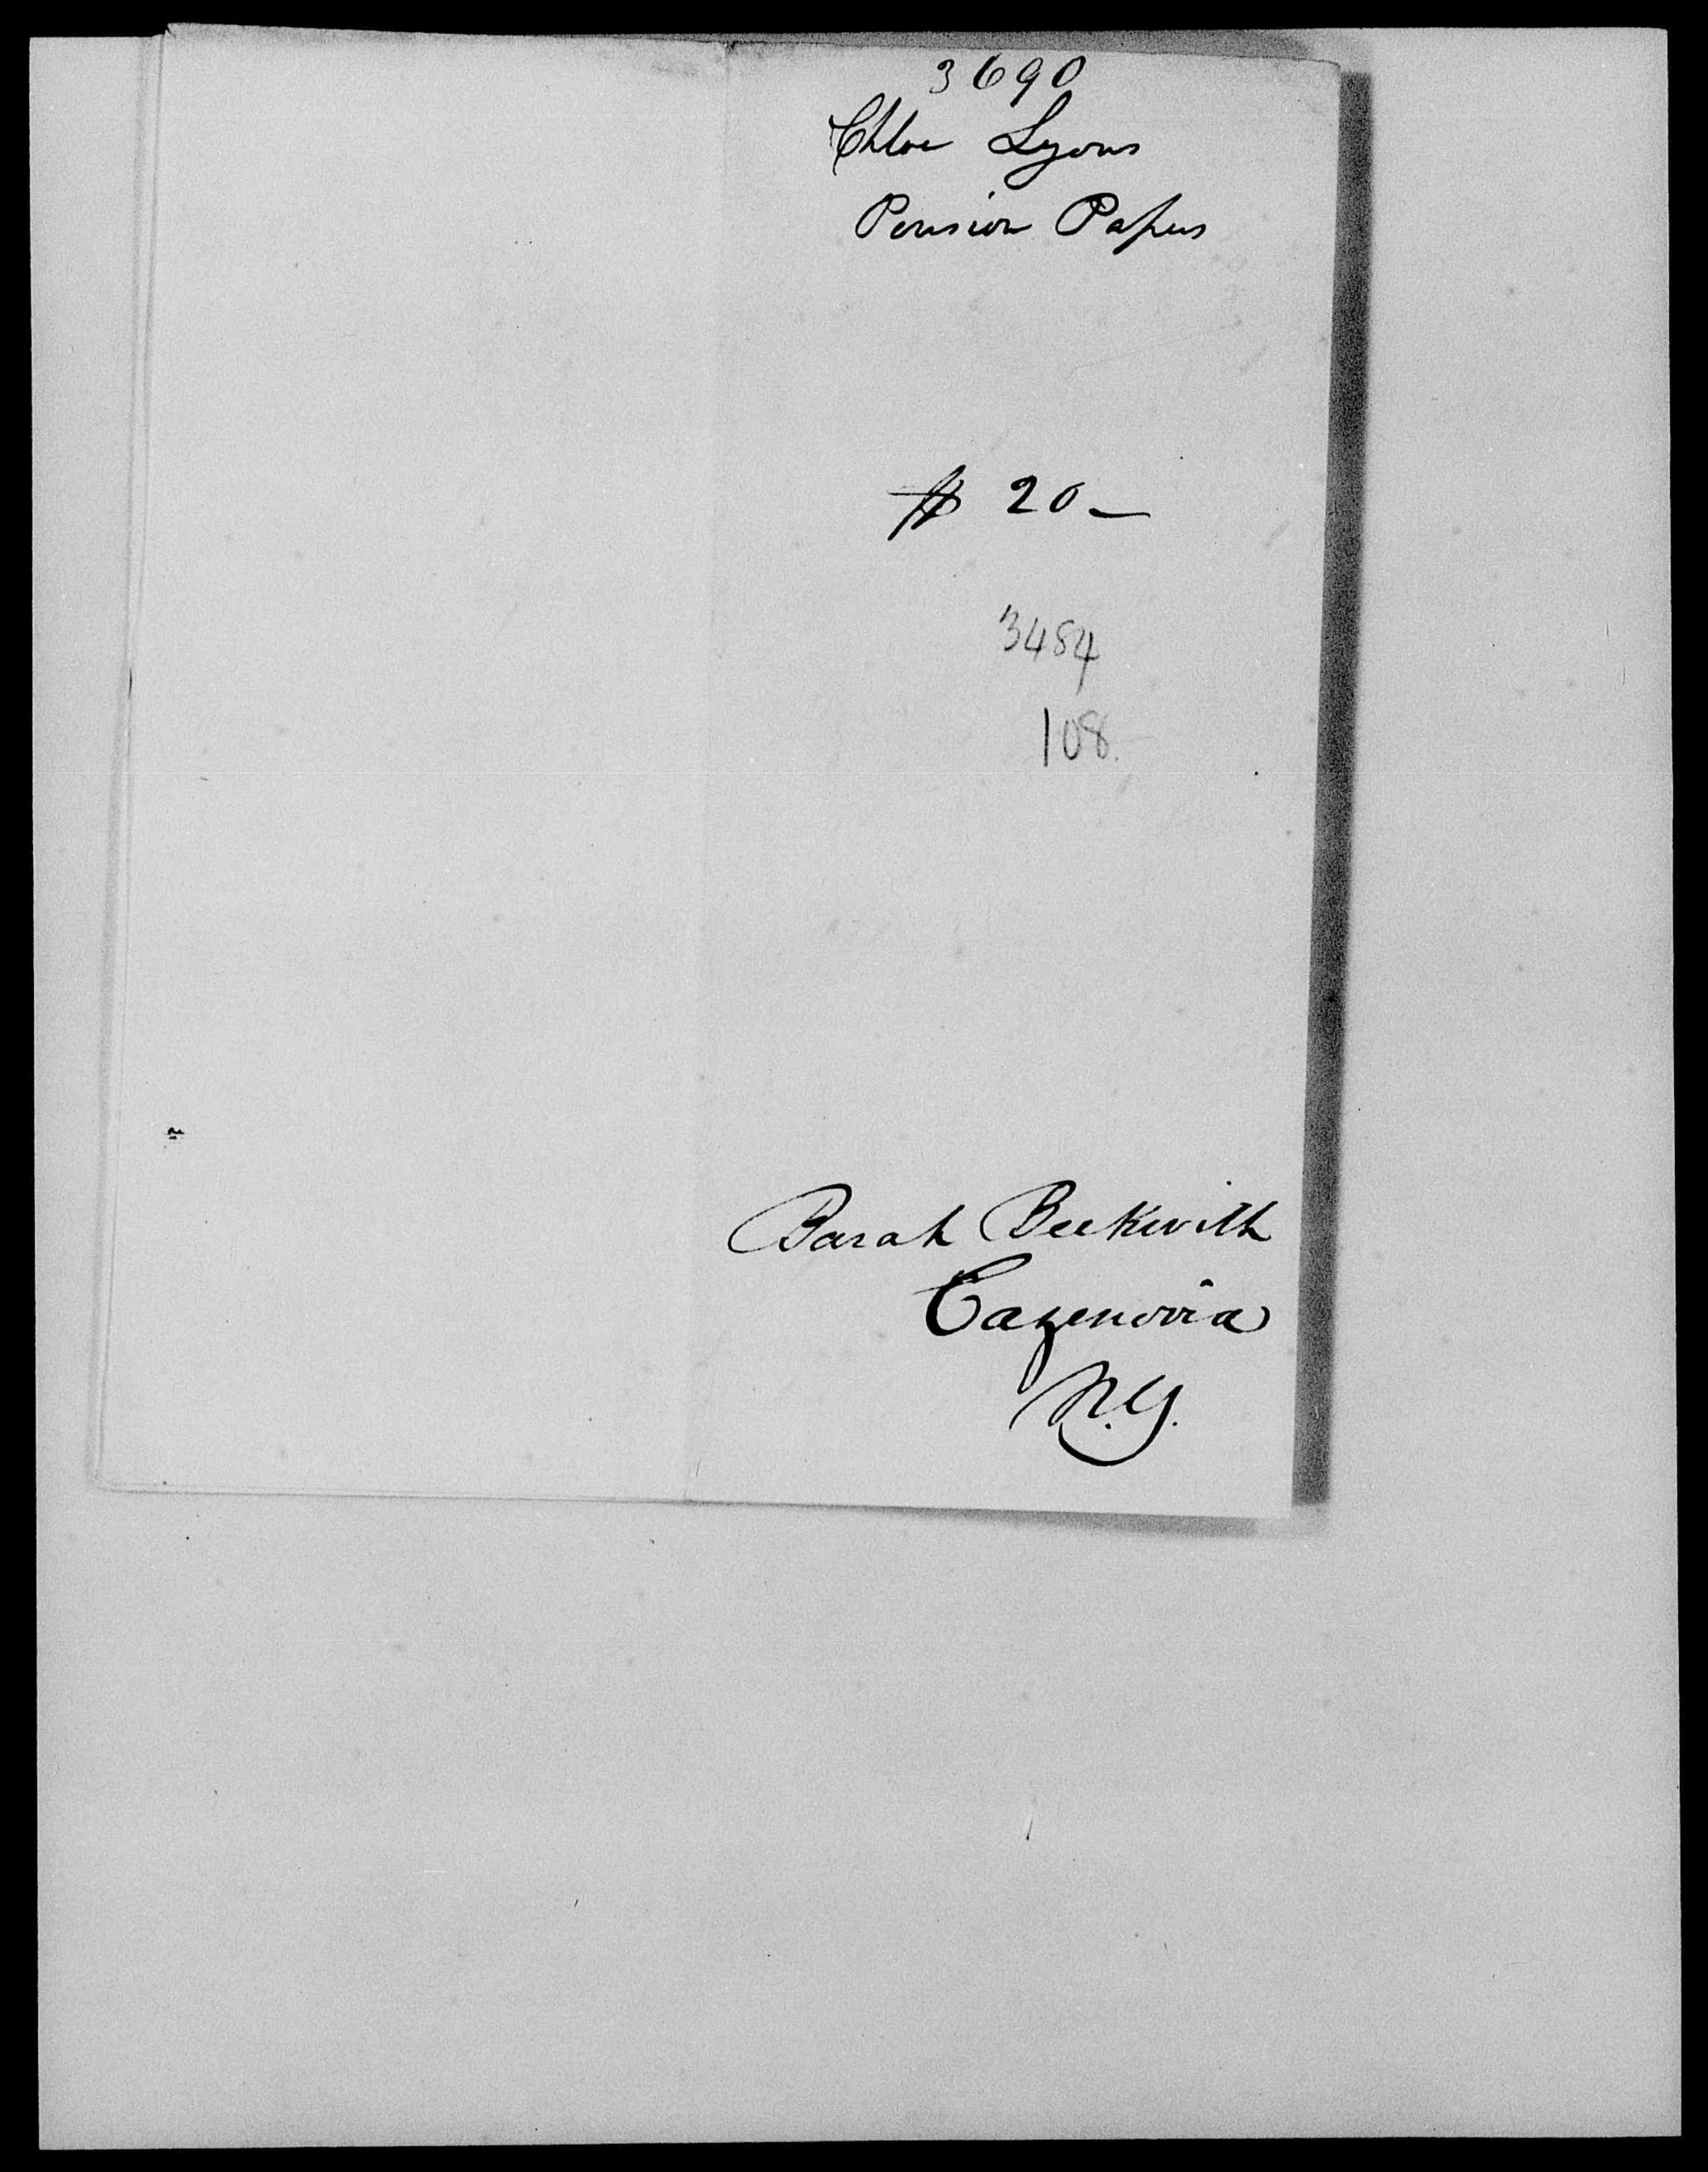3690
Chloe Lyons Pension Papers
$20-
3484
108
Barak Beckwith
Cazenovia N.Y.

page: 34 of 40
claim: widow's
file: W. 24,615, for Ebenezer Lyon, Connecticut